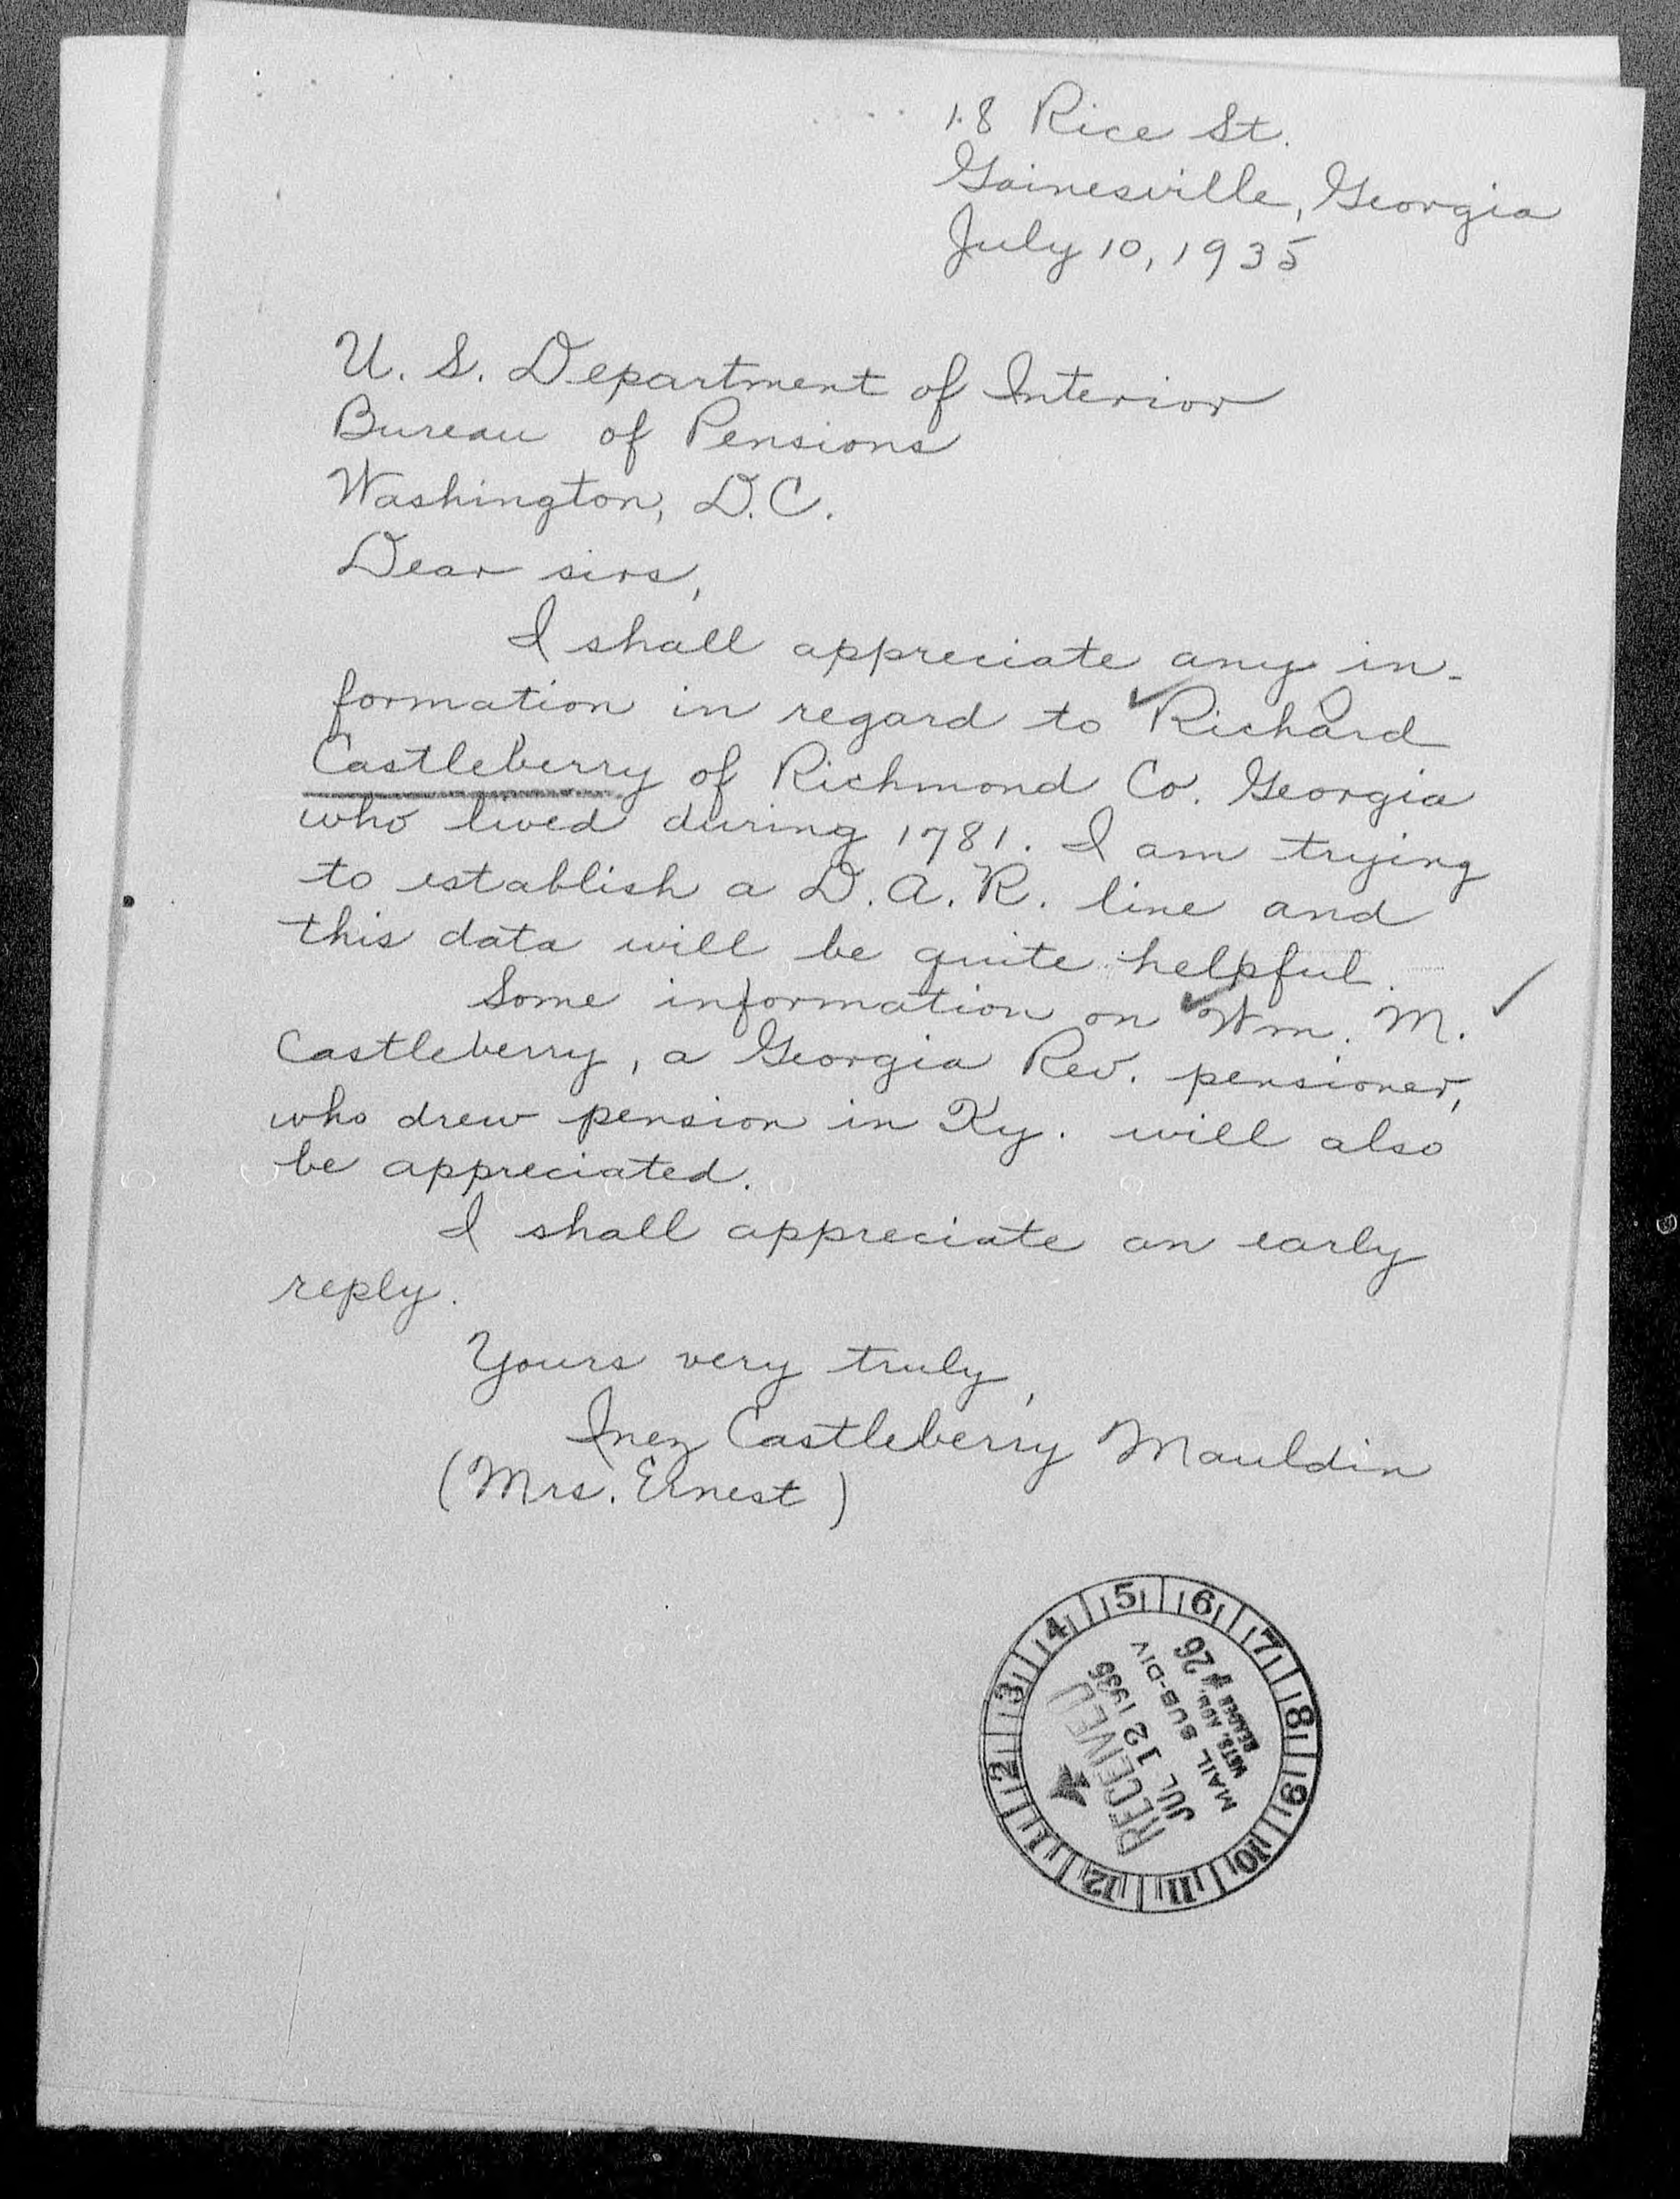18 Rice St.
Gainesville, Georgia
July 10, 1935

U.S. Departet of Interior
Bureau of Pensions
Washington, DC
Dear Sirs,
I shall appreciate any information in regard to Richard Castleberry of Richmond Co Georgia who lived during 1781. I am trying to establish a D.A.R. line and this date will be quite helpful.
Some information on Wm M. Castleberry, a Georiga Rev, pensioner, who drew pension in KY will also be appreciated.
I shall appreciate an early reply.
Yours very truly,
Inez Castleberry Mauldin
(Mrs. Ernest)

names: Ernest, Richard Castleberry, Wm M Castleberry, Inez Castleberry Mauldin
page: 15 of 20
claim: survivor's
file: S. 16,337, William M Castleberry, Ga.